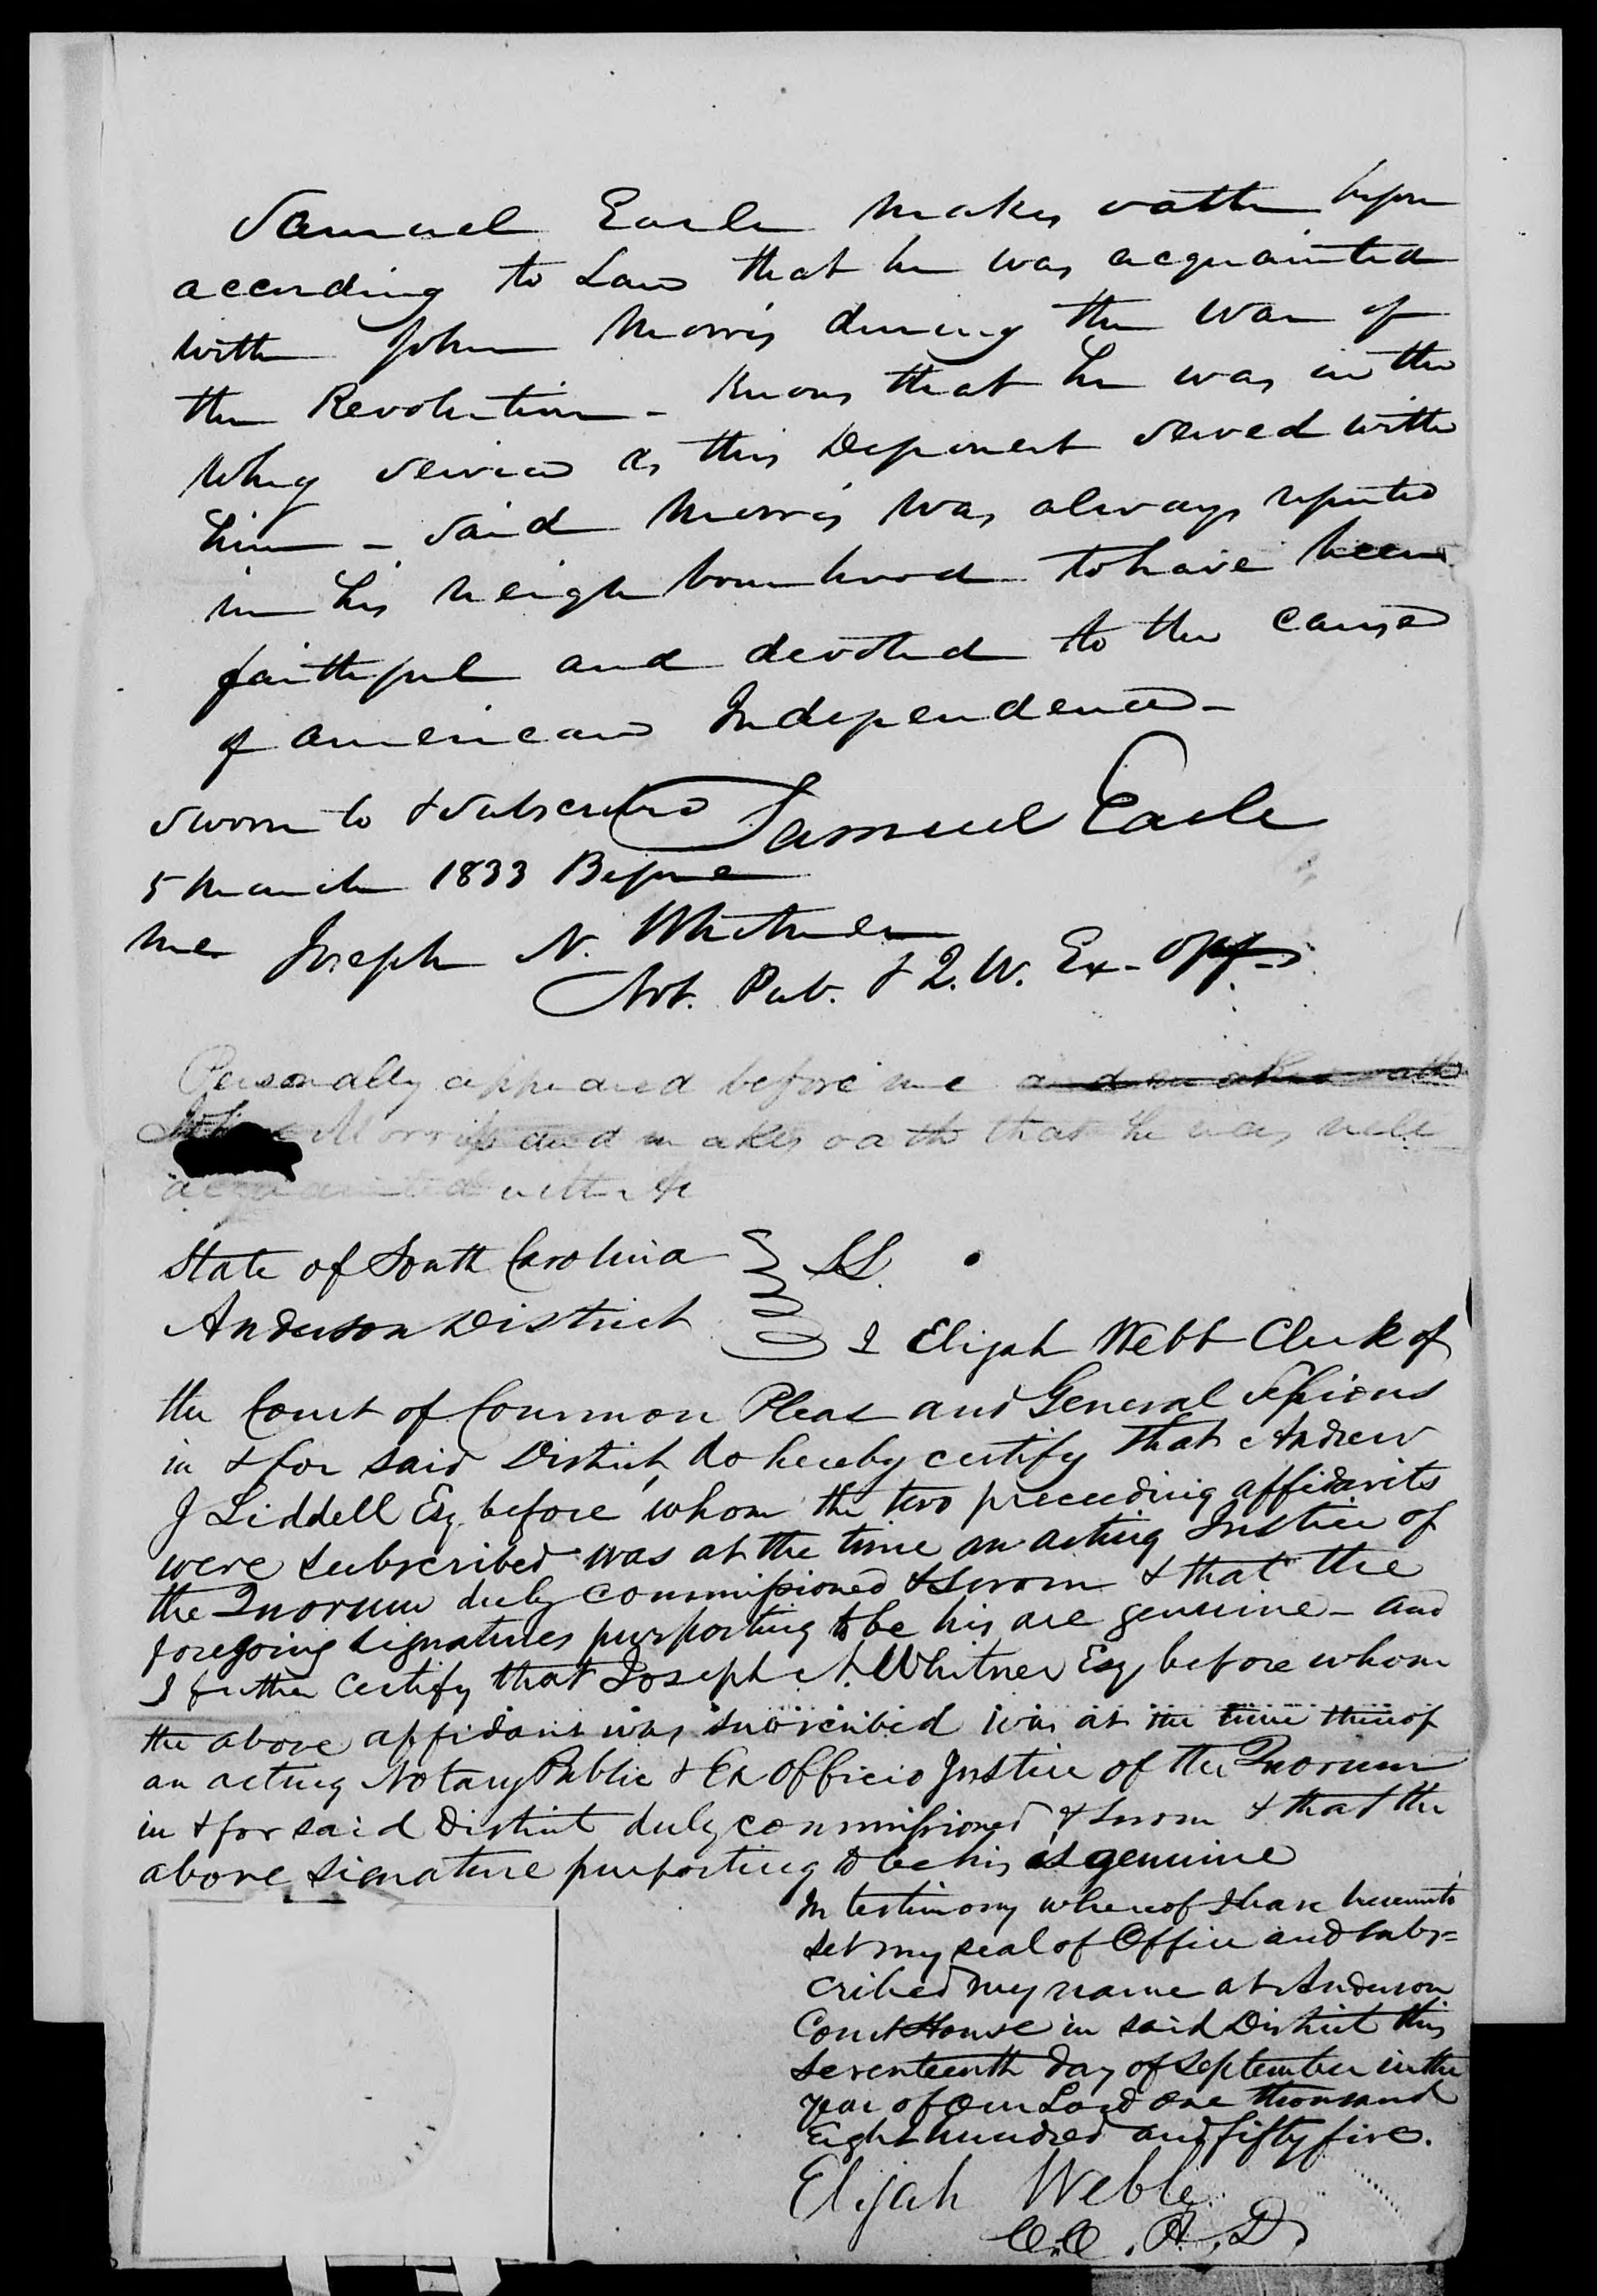Samuel Earle makes oath before
accordingt o Law that he was acquainted with John Morris during the War of the Revolution, knows that he was in the whig Service as this Deponent served with him, said
Morris was always reputed in his neighbourhood to have been
faithful and devoted to the Cause
of American Independence
s/ Samuel Earle
Sworn to & Subscribed March 1833 Before me s/ Joseph N. Whitmer
Not Pub & J.Q W. Ex Off

Personally appeared before me John
Morriss and makes oath that he was well acquainted with

State of South Carolina
Anderson District
I Elijah Webb Clerk of the Court of Common Pleas and General Sessions
in & for said District do hereby certify that Andrew J Liddell Esq before whom the two preceeding affidavits
were subscribed was at the time an acting Justice of the Quorum duly commissioned & sworn & that the
foregoing signatures purporting to be his are genuine, and I further certify that Joseph N. Whitner Esq before whom the above affidavit was subscribed was at the time thereof
an acting Notary Public & Ex officio Justice of the Quorum in & for said District duly commissioned & sworn
& that the above signature purporting to be his is genuine. In testimony whereof I have hereunto set my seal of Office and subscribed my name at Anderson Court House in said District this Seventeenth day of September in the year of our Lord one thousand
Eight hundred and fifty five.
s/ Elijah Webb C.C A.D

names: Samuel Earle; [BLANK] Sessions; Andrew J Liddell; Joseph N Whitner; John Morris; Elijah Webb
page: 9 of 20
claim: rejected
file: R. 7407, for John Morriss, South Carolina